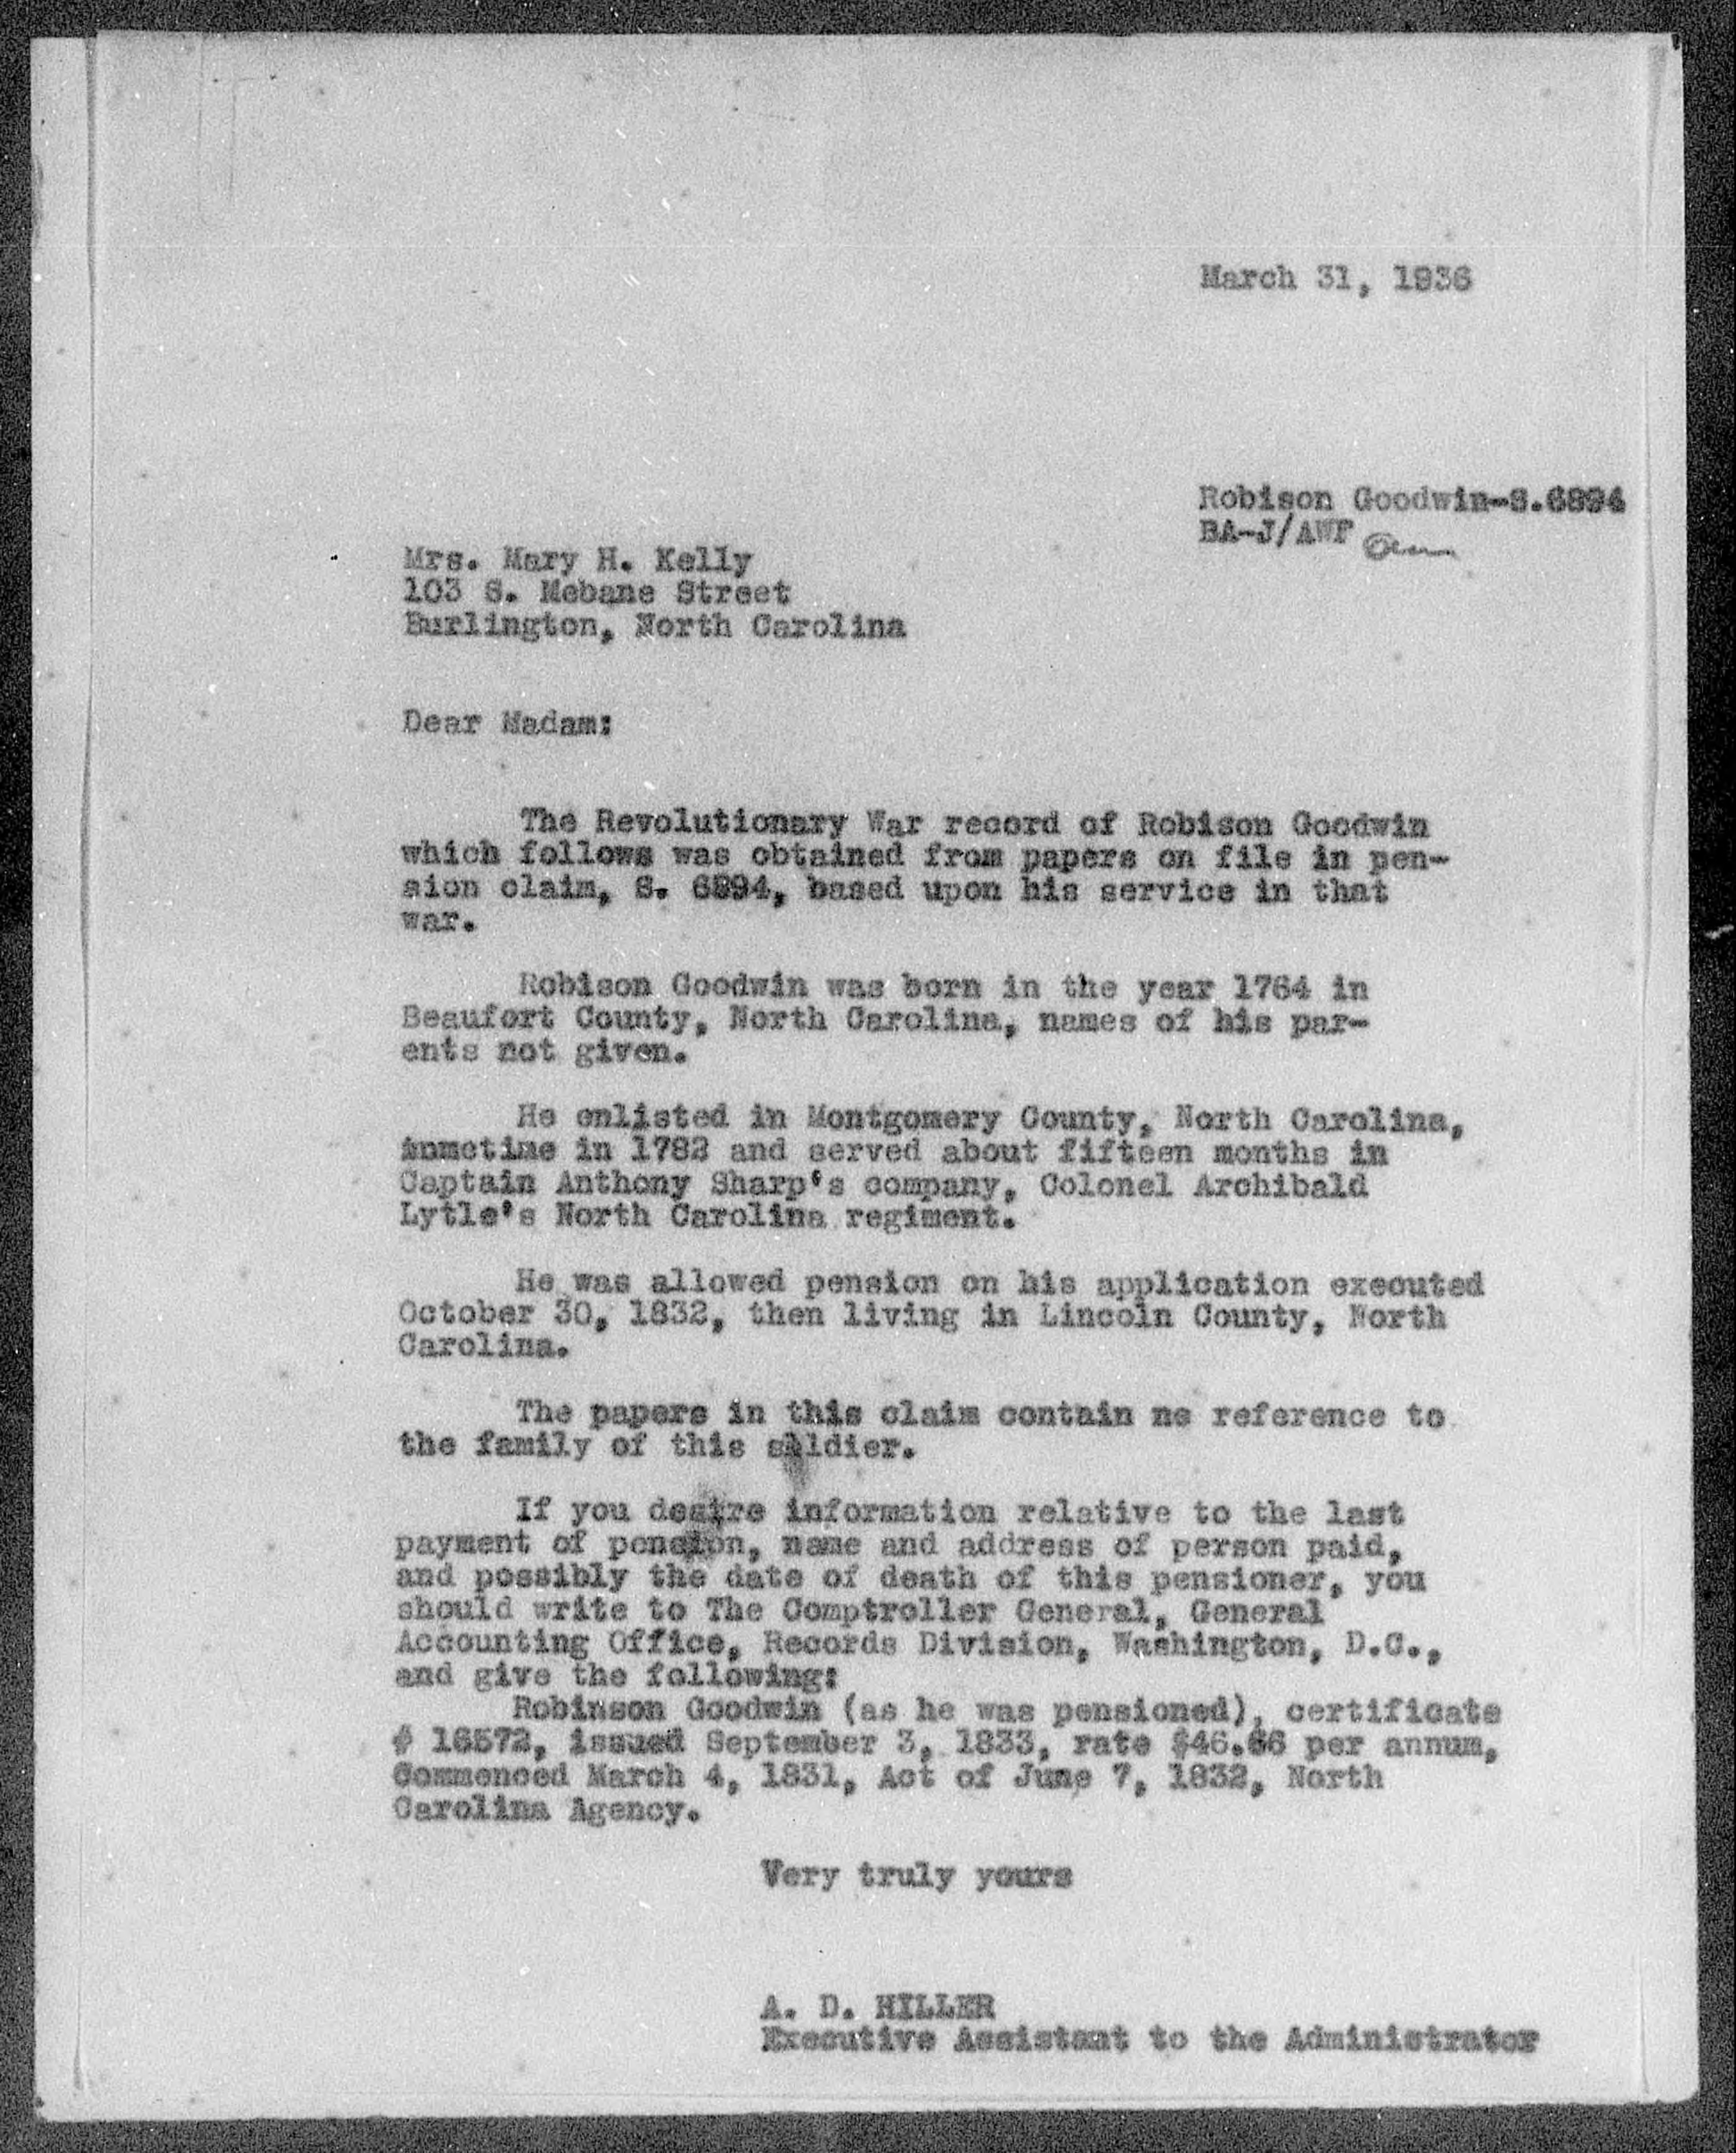Mrs. Mary H. Kelly
103 S. Mebane Street
Burlington, North Carolina
March 31, 1936
Robison Goodwin-S.8894
BA-J/AW
Dear Madam:
The Revolutionary War record of Robison Good
which follows was obtained from papers on file in 
pension claim, S. 6494, based upon his service in that war.
Robison Goodwin was born in the year 1764 in
Beaufort County, North Carolina, names of his parents
not given.
He enlisted in Montgomery County, North Carolina,
ammetime in 1782 and served about fifteen months in
Captain Anthony Sharp's Company, Colonel Archibald
Lytle's North Carolina regiment.
He was allowed pension on his application executed
October 30, 1832, then living in Lincoln County, North Carolina
.
The papers in this claim contain no reference to
the family of this soldier.
If you desire information relative to the last
payment of pension, name and address of person paid,
and possibly the date of death of this pensioner, you
should write to The Comptroller General, General
Accounting Office, Records Division, Washington, D.C.,
and give the following:
Robinson Goodwin (as he was pensioned, certificate # 16572, issued September 3, 1833, rate $46.66 per annum,
Commenced March 4, 1831, Act of June 7, 1832, North Carolina
Agency.
Very truly yours
sate
,
A. D. HILLER
Executive Assistant to the Administrator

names: A D Hiller, Robison Goodwin, Robison Goodwin, Robinson Goodwin, Mary H Kelly, Robison Goodwin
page: 9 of 16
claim: survivor's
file: S. 6,894, Robison Goodwin, N.C.